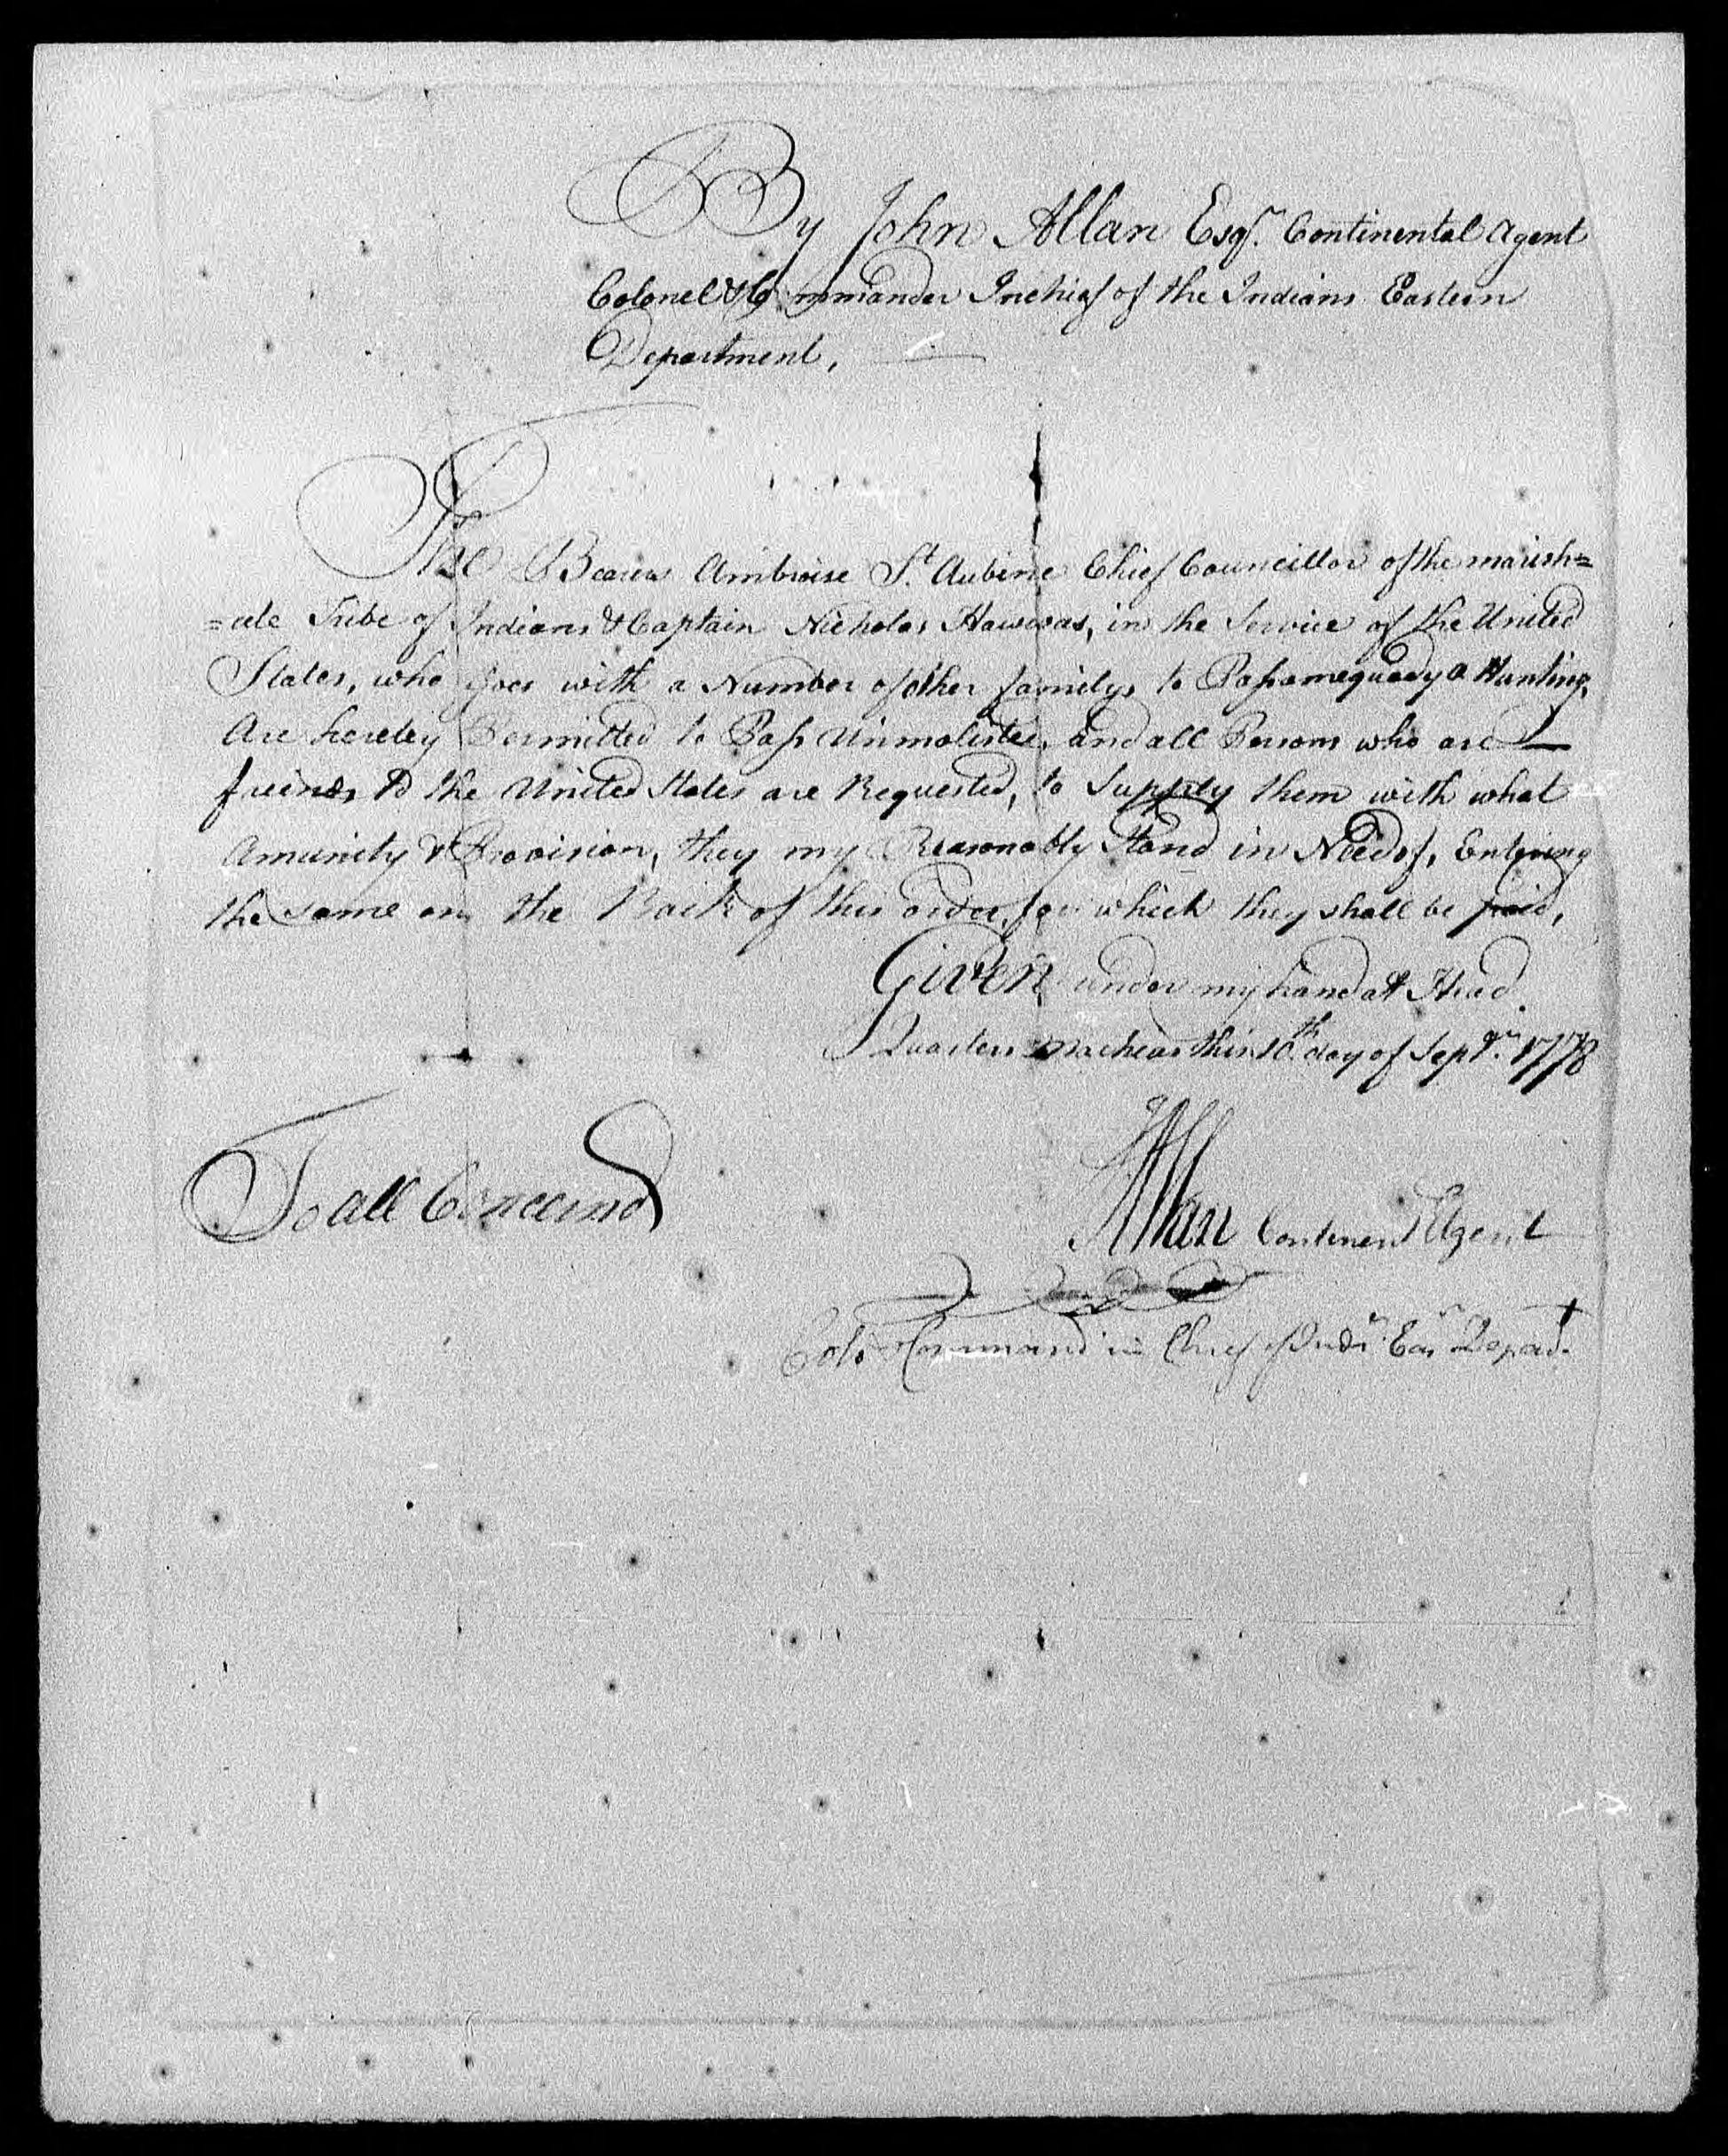By John Allan Esq. Continental Agent
Colonel & Commander Inchief of the Indians Eastern
Department,

The Beaver Ambroise St. Auberne Chief Councellor of the marish=
=ale Tribe of Indians & Captain Nicholas Hawawas, in the Service of the United
States, who goes with a Number of other familys to Passamequady a Hunting,
are hereby Permitted to Pass unmolested, and all Persons who are —
friends to the United States are Requested, to Supply them with what
annuity & Provisions, they my  Reasonably stand in Need of, Entering
the same on the Back of the order, on which they shall be found,

Given under my hand at Head
Quarters Machias this 10th day of Septr. 1778

To all Concerned

RWar Content Agent

Colo & Command in Chief of Inds Eastr Depart.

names: Nicholas Hawwas, John Allan, J Allan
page: 24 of 52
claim: survivor's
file: S 17997, Nicholas Hawwawas, Mass.